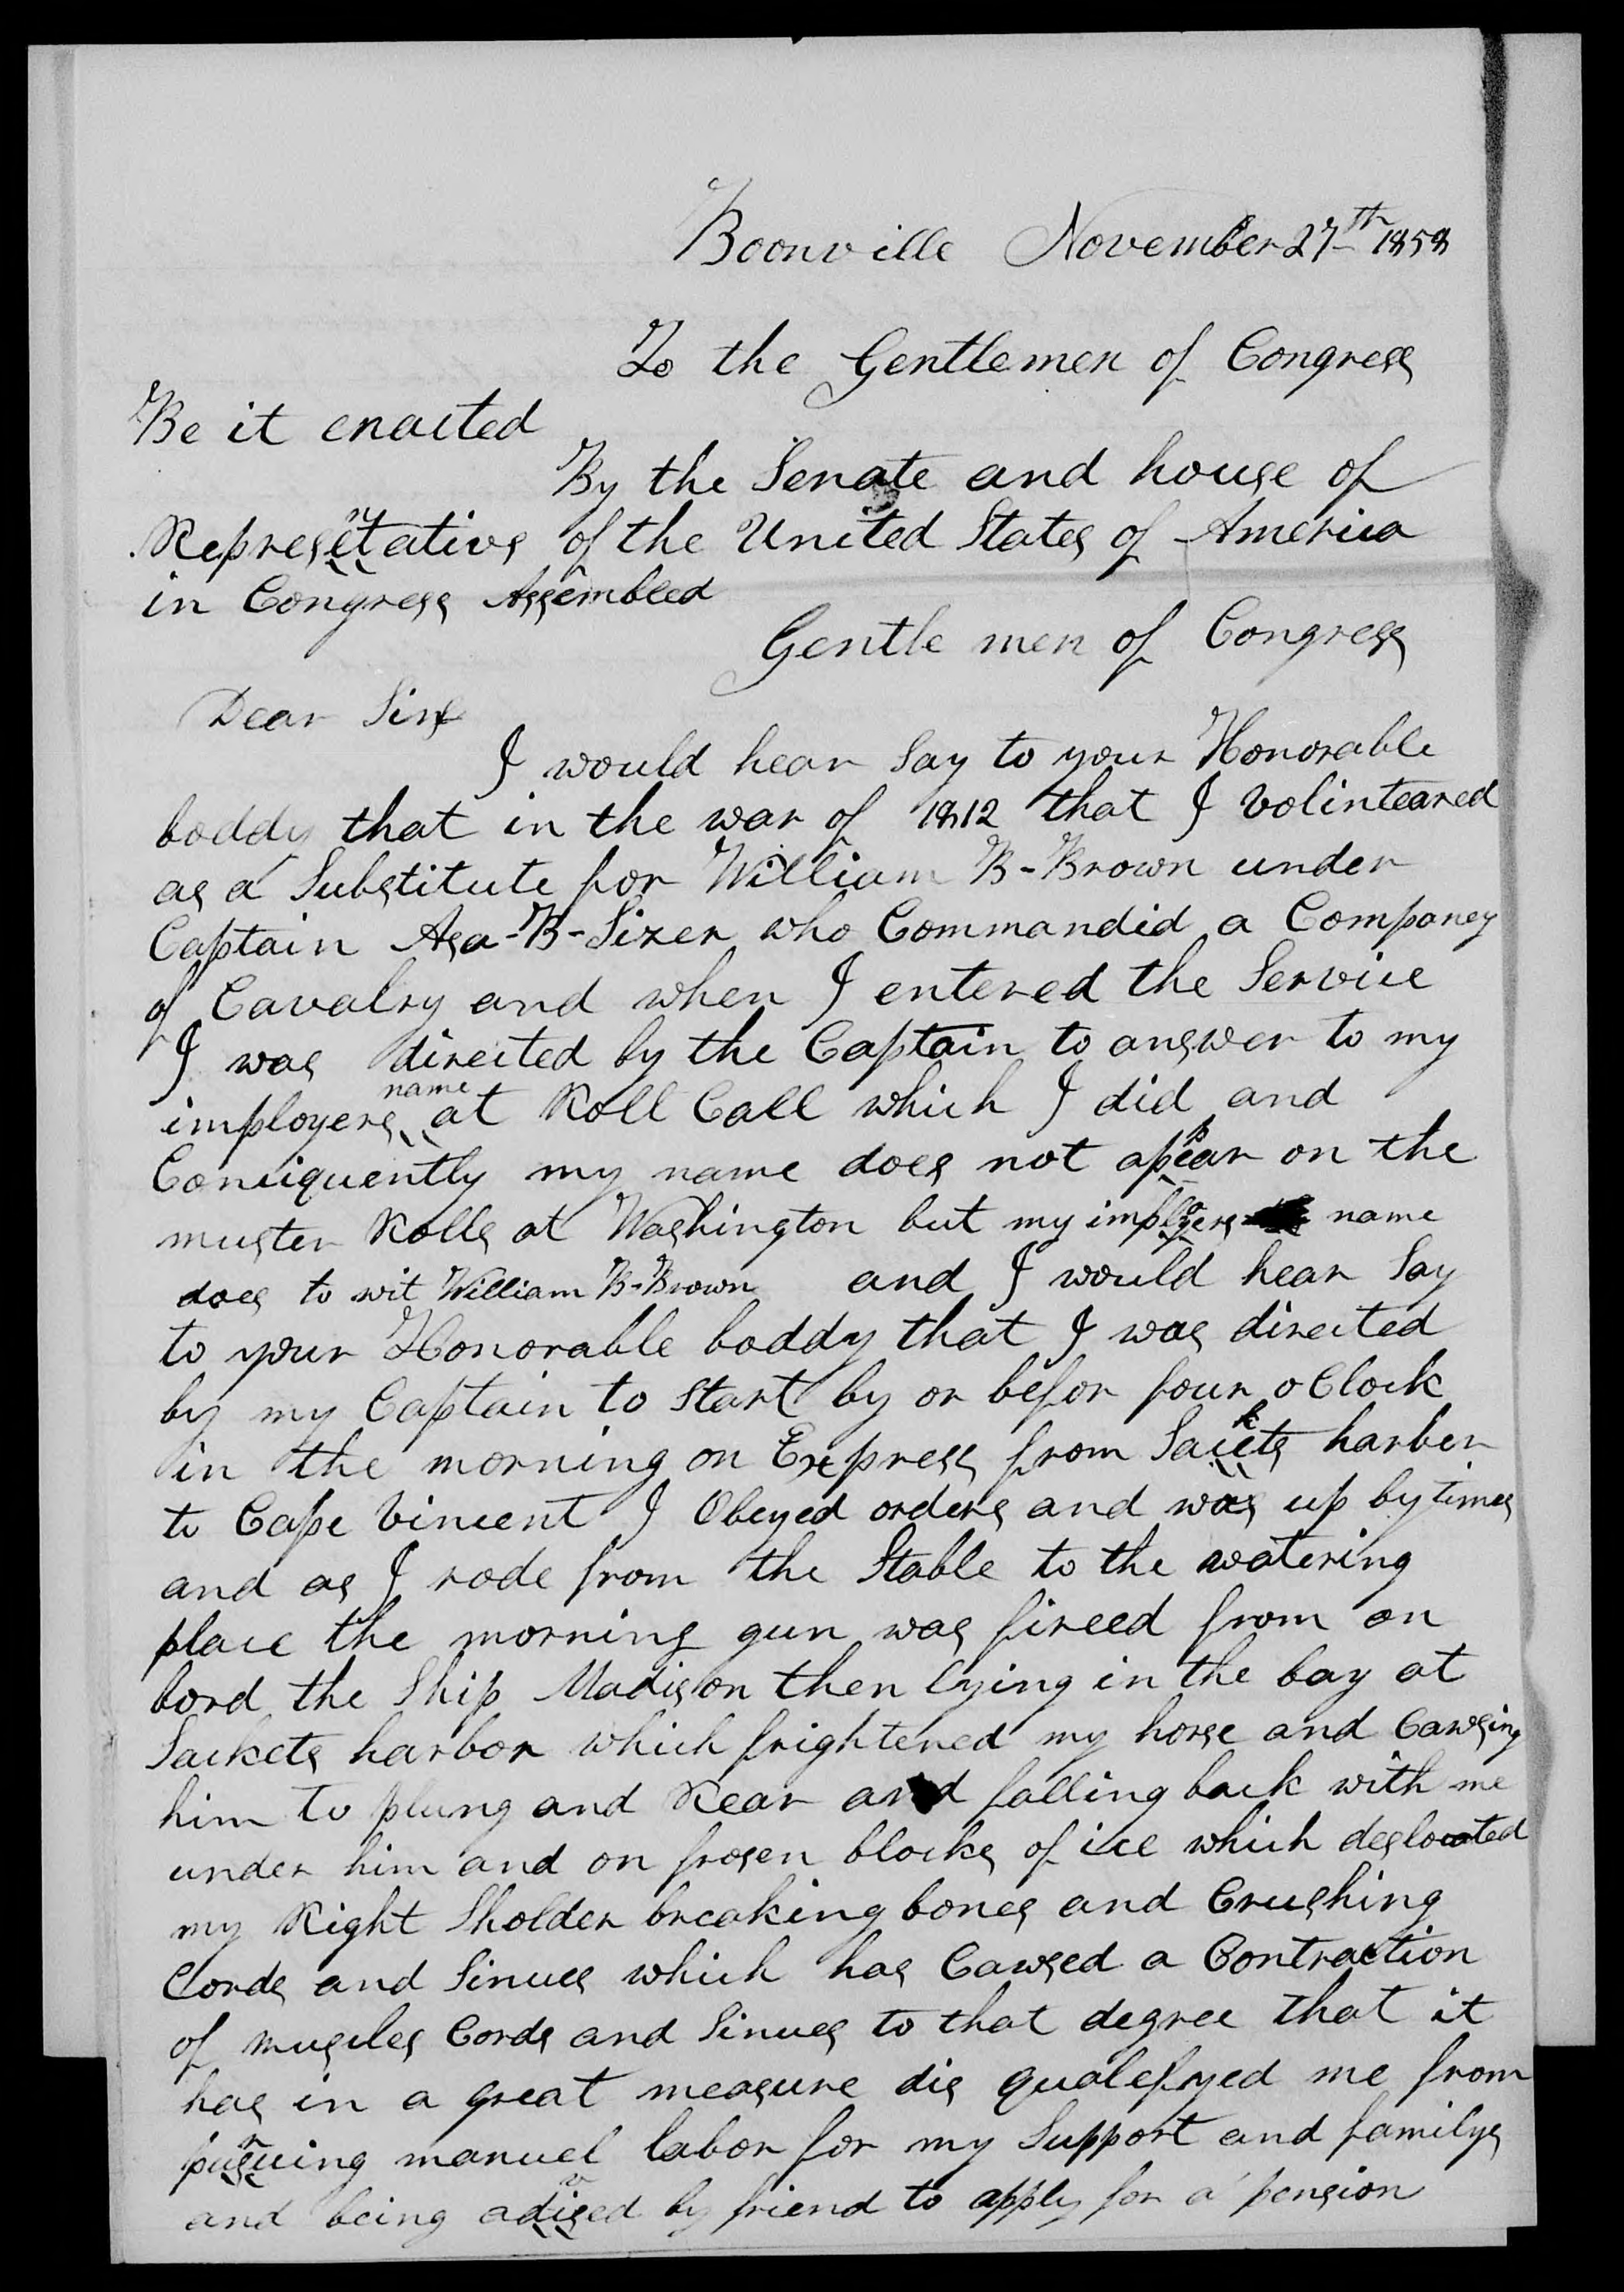Boonville November 27th 1858 
To the Gentlemen of Congress 
Be it enacted
By the Senate and house of Representative of the United States of America in Congress Assembled 
Gentlemen of Congress 
Dear Sirs
I would hear say to your Honorable boddy that in the war of 1812 that I volinteared as a substitute for William B. Brown under Captain Asa B Sizer who commanded a Company of Cavalry and when I entered the Service was directed by the Captain to answer to my imployers name at Roll Call which I did and Consiquently my name does not appear on the muster Rolls at Washington but my imployers name does to wit William B. Brown and I would hear say to your Honorable boddy that I was directed by my Captain to start by or before four OClock in the morning on Express from Sackets harber to Cape Vincent I obeyed orders and was up by times and as I rode from the Stable to the watering place the morning gun was fireed from on bord the ship Madison then lying in the bay at Sackets harbor which frightened my horse and cawsing him to plung and hear and falling back with me under him and on frozen blocks of ice which deslocated my Right Sholder breaking bones and Crushing Cords and Sinues which has cawsed a contraction of musiles Cords and Sinues to that degree that it has in a great measure dis qualefyed me from pursuing manuel labor for my Support and familys and being advised by friend to apply for a pension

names: William B Brown; Asa B Sizer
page: 41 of 44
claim: rejected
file: R. 17,033, for Joseph Perkins, New York